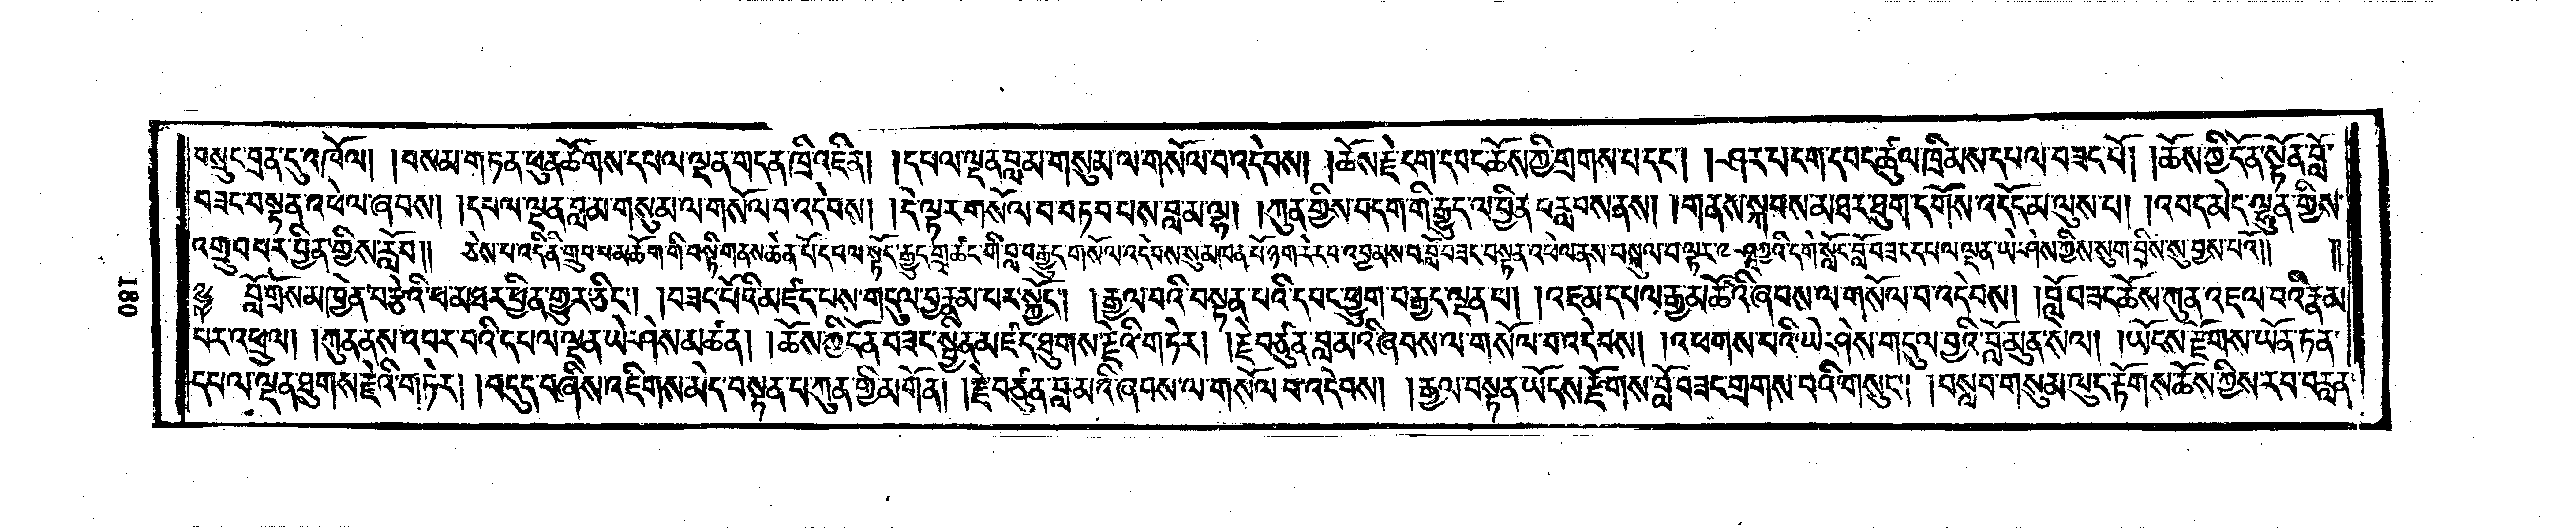བསྲུང་བྲན་དུ་འཁོལ། །བསམ་གཏན་ཕུན་ཚོགས་དཔལ་ལྡན་གདན་ཁྲི་འཛིན། །དཔལ་ལྡན་བླ་མ་གསུམ་ལ་གསོལ་བ་འདེབས། །ཆོས་རྗེ་ངག་དབང་ཆོས་ཀྱི་གྲགས་པ་དང་། །ཤར་པ་ངག་དབང་ཚུལ་ཁྲིམས་དཔལ་བཟང་པོ། །ཆོས་ཀྱི་དོན་སྟོན་བློ་
བཟང་བསྟན་འཕེལ་ཞབས། །དཔལ་ལྡན་བླ་མ་གསུམ་ལ་གསོལ་བ་འདེབས། །དེ་ལྟར་གསོལ་བ་བཏབ་པས་བླ་མ་ལྷ། །ཀུན་གྱིས་བདག་གི་རྒྱུད་ལ་བྱིན་བརླབས་ནས། །གནས་སྐབས་མཐར་ཐུག་དགོས་འདོད་མ་ལུས་པ། །འབད་མེད་ལྷུན་གྱིས་
འགྲུབ་པར་བྱིན་གྱིས་རློབ།། ཅེས་པ་འདི་ནི་གྲུབ་པ་མཆོག་གི་བསྟི་གནས་ཆེན་པོ་དཔལ་སྟོད་རྒྱུད་གྲྭ་ཚང་གི་བླ་བརྒྱུད་གསོལ་འདེབས་སུ་མཁན་པོ་ཉག་རེ་རབ་འབྱམས་པ་བློ་བཟང་བསྟན་འཕེལ་ནས་བསྐུལ་བ་ལྟར་༧་ཤཱཀྱའི་དགེ་སློང་བློ་བཟང་དཔལ་ལྡན་ཡེ་ཤེས་ཀྱིས་སུག་བྲིས་སུ་བྱས་པའོ།། །།
༈ བློ་གྲོས་མཁྱེན་བརྩེའི་ཕ་མཐར་ཕྱིན་གྱུར་ཅིང་། །བཟང་པོའི་མཛད་པས་གདུལ་བྱ་རྣམ་པར་སྐྱོད། །རྒྱལ་བའི་བསྟན་པའི་དབང་ཕྱུག་བརྒྱད་ལྡན་པ། །འཇམ་དཔལ་རྒྱ་མཚོའི་ཞབས་ལ་གསོལ་བ་འདེབས། །བློ་བཟང་ཆོས་ཀུན་འཇལ་བའི་རྣམ་
པར་འཕྲུལ། །ཀུན་ནས་འབར་བའི་དཔལ་ལྡན་ཡེ་ཤེས་མཚན། །ཆོས་ཀྱི་དོན་བཟང་སྦྱིན་མཛད་ཐུགས་རྗེའི་གཏེར། །རྗེ་བཙུན་བླ་མའི་ཞབས་ལ་གསོལ་བ་འདེབས། །འཕགས་པའི་ཡེ་ཤེས་གདུལ་བྱའི་བློ་མུན་ས་ལ། །ཡོངས་རྫོགས་ཡོན་ཏན་
དཔལ་ལྡན་ཐུགས་རྗེའི་གཏེར། །བདུད་བཞེས་འཇིགས་མེད་བསྟན་པ་ཀུན་གྱི་མགོན། །རྗེ་བཙུན་བླ་མའི་ཞབས་ལ་གསོལ་བ་འདེབས། །འཕགས་པའི་ཡེ་ཤེས་གདུལ་བྱའི་བློ་མུན་སལ། །ཡོངས་རྫོགས་ཡོན་ཏན་
དཔལ་ལྡན་ཐུགས་རྗེའི་གཏེར། །བདུད་བཞིས་འཇིགས་མེད་བསྟན་པ་ཀུན་གྱི་མགོན། །རྗེ་བཙུན་བླ་མའི་ཞས་ལ་གསོལ་བ་འདེབས། །རྒྱལ་བསྟན་ཡོངས་རྫོགས་བློ་བཟང་གྲགས་པའི་གསུང་། །བསླབ་གསུམ་ལུང་རྟོགས་ཆོས་ཀྱིས་རབ་བརླན་